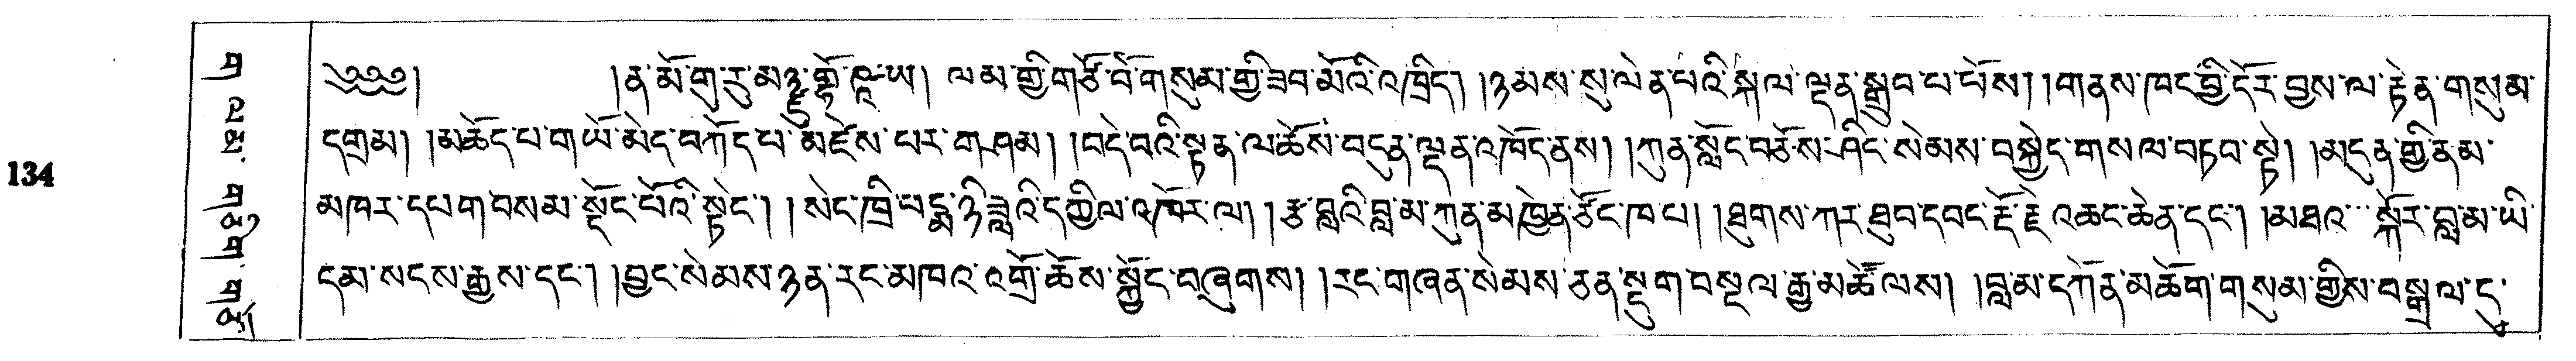༄༅༅། །ན་མོ་གུ་རུ་མནྫུ་གྷོ་ཥཱ་ཡ། ལམ་གྱི་གཙོ་བོ་གསུམ་གྱི་ཟབ་མོའི་འཁྲིད། །ཉམས་སུ་ལེན་པའི་སྐལ་ལྡན་སྒྲུབ་པ་པོས། །གནས་ཁང་བྱི་དོར་བྱས་ལ་རྟེན་གསུམ་
དགྲམ། །མཆོད་པ་གཡོ་མེད་བཀོད་པ་མཛེས་པར་གཤམ། །བདེ་བའི་སྟན་ལ་ཆོས་བདུན་ལྡན་འཁོད་ནས། །ཀུན་སློང་བཅོས་ཤིང་སེམས་བསྐྱེད་གསལ་བཏབ་སྟེ། །མདུན་གྱི་ནམ་
མཁར་དཔག་བསམ་སྡོང་པོའི་སྟེང་། །སེང་ཁྲི་པདམ་ཉི་ཟླའི་དཀྱིལ་འཁོར་ལ། །རྩ་བླའི་བླ་མ་ཀུན་མཁྱེན་ཙོང་ཁ་པ། །ཐུགས་ཀར་ཐུབ་དབང་རྡོ་རྗེ་འཆང་ཆེན་དང་། །མཐའ་སྐོར་བླ་མ་ཡི་
དམ་སངས་རྒྱས་དང་། །བྱང་སེམས་ཉན་རང་མཁའ་འགྲོ་ཆོས་སྐྱོང་བཞུགས། །རང་གཞན་སེམས་ཅན་སྡུག་བསྔལ་རྒྱ་མཚོ་ལས། །བླ་མ་དཀོན་མཆོག་གསུམ་གྱིས་བསྒྲལ་དུ་